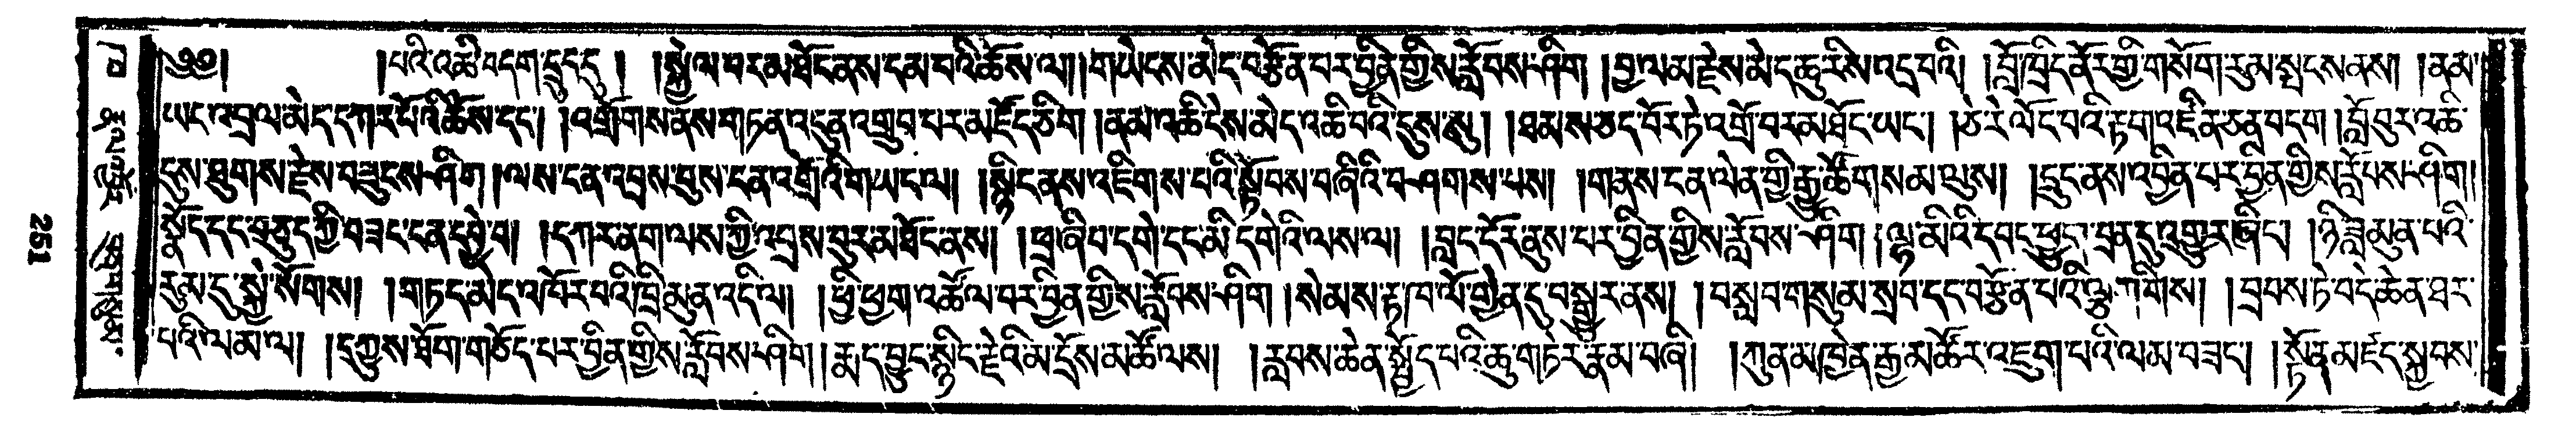༄༅། །པའི་འཆི་བདག་དྲུང་དུ། །སྐྱེལ་བར་མཐོང་ནས་དམ་པའི་ཆོས་ལ། །གཡེངས་མེད་བརྩོན་པར་བྱིན་གྱིས་རློབས་ཤིག །བྱ་ལམ་རྗེས་མེད་ཆུ་རིས་འདྲ་བའི། །བློ་ཁྲིད་ནོར་གྱི་གསོག་རུམ་སྤངས་ནས། །ནམ་
ཡང་འབྲལ་མེད་དཀར་པོའི་ཆོས་དང་། །འགྲོགས་ནས་གཏན་འདུན་འགྲུབ་པར་མཛོད་ཅིག །ནམ་འཆི་ངེས་མེད་འཆི་བའི་དུས་སུ། །ཐམས་ཅད་བོར་ཏེ་འགྲོ་བར་མཐོང་ཡང་། །ཅེ་རེ་ལོང་པའི་རྟག་འཛིན་ཅན་བདག །བློ་བུར་འཆི་
དུས་ཐུགས་རྗེས་བཟུངས་ཤིག །ལས་ངན་འབྲས་བུས་ངན་འགྲོའི་གཡང་ལ། །སྙིང་ནས་འཇིགས་པའི་སྟོབས་བཞིའི་བཤགས་པས། །གནས་ངན་ལེན་གྱི་རྒྱུ་ཚོགས་མ་ལུས། །དྲུང་ནས་འབྱིན་པར་བྱིན་གྱིས་རློབས་ཤིག།
སྣོད་དང་བཅུད་ཀྱི་བཟང་ངན་དབྱེ་བ། །དཀར་ནག་ལས་ཀྱི་འབྲས་བུར་མཐོང་ནས། །ཕྲ་ཞིབ་དགེ་དང་མི་དགེའི་ལས་ལ། །བླང་དོར་ནུས་པར་བྱིན་གྱིས་རློབས་ཤིག །ལྷ་མིའི་དབང་ཕྱུག་བྲན་དུ་འགྱུར་ཞིང་། །ཉི་ཟླ་མུན་པའི་
རུམ་དུ་སྐྱེ་སོགས། །གཏད་མེད་འཁོར་བའི་ཁྲི་མུན་འདི་ལ། །ཕྱི་ཕྱག་འཚོལ་བར་བྱིན་གྱིས་རློབས་ཤིག །སེམས་རྟ་ཁ་ལོ་གྱེན་དུ་བསྒྱུར་ནས། །བསླབ་གསུམ་སྲབ་དང་བརྩོན་པའི་ལྕག་གིས། །བྲབས་ཏེ་བདེ་ཆེན་ཐར་
པའི་ལམ་ལ། །དཀྱུས་ཐོག་གཅོད་པར་བྱིན་གྱིས་རློབས་ཤིག །རྨད་བྱུང་སྙིང་རྗེའི་མ་དྲོས་མཚོ་ལས། །རླབས་ཆེན་སྤྱོད་པའི་ཆུ་གཏེར་རྣམ་བཞི། །ཀུན་མཁྱེན་རྒྱ་མཚོར་འཇུག་པའི་ལམ་བཟང་། །སྟོན་མཛད་སྐྱབས་